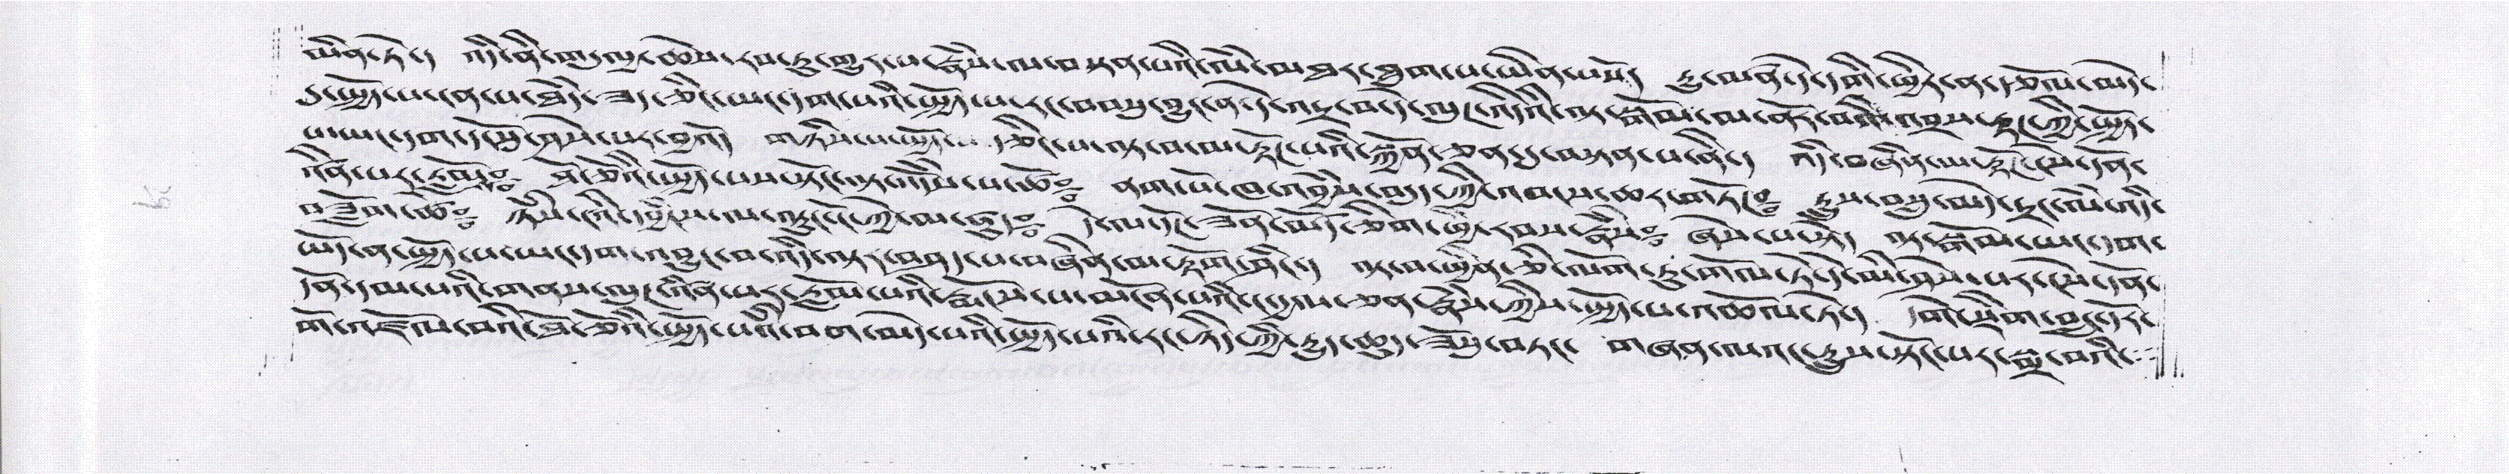མིན་ཏེ། འདི་ནི་གདུལ་བྱ་ཆེས་རབ་ཏུ་གྱུར་པ་རྣམས་ལ་བསྟན་པའི་ལམ་མཐར་ཐུག་པ་ཡིན་པས་སོ། རྒྱུ་མཚན་དེ་དག་གི་ཕྱིར་ན་རྩོལ་མེད་
དུ་སྤྱོད་པ་ངན་པ་ཐམས་ཅད་ཟད་ཅིང་ཡང་དག་པའི་སྤྱོད་པ་རང་བབས་སུ་བྱུང་ན་དེ་འདྲ་བ་དེ་ལུགས་འདིའི་ལྟ་སྒོམ་མ་ནོར་བའི་འབྲས་རྟགས་ཀྱི་སྤྱོད་
པ་ཡང་དག་དངོས་སུ་ཤེས་པར་བྱའོ། གཉིས་པ་སྤྱོད་པ་རྩིང་བ་ལྟ་བ་མ་རྟོགས་པའི་སྐྱོན་ཅན་དུ་བསྟན་པ་ནི། འདི་བཞིན་མ་རྟོགས་ངེས་དོན་
འཛིན་པར་རློམསཿ ཐོ་ཅོའི་སྤྱོད་པས་སྟོང་ལྟ་འདོམས་པ་ཚོཿ ནག་པོ་ཁ་འབྱམས་བདུད་ཀྱི་འབངས་ཆར་གཏོགསཿ རྒྱུ་འབྲས་བསླུ་མེད་དྲང་ལམ་འདི་
བཟློག་ཚེཿ ཉམ་ངའི་དབྱིངས་ལ་ལྟུང་ངོ་ཀྱེ་མ་ཧུདཿ དེ་ལ་དྭོགས་ཟོན་མཛོད་ཅིག་ཕྱི་རབས་རྣམསཿ ཞེས་པ་ནི་ལྟ་སྒོམ་ཡང་དག་
ཡོད་ན་སྤྱོད་པ་ཡང་དག་འབྱུང་བ་འདི་ལྟར་བཤད་པ་བཞིན་མ་རྟོགས་ཤིང་ལྟ་བ་ཕྱིན་ཅི་ལོག་ཏུ་གོལ་ཏེ་དེ་མི་ཤེས་པར་ངེས་དོན་
དོན་དམ་པའི་གནས་ལུགས་འཛིན་པར་རློམ་པའི་རྨོངས་པ་མངོན་པའི་ང་རྒྱལ་ཅན་རྣམས་ཀྱིས་སྤྱོད་པ་འཆོལ་ཏེ། དགེ་སྡིག་བླང་དོར་
གོ་འཛོལ་བའི་ཐོ་ཅོའི་སྤྱོད་པའི་བག་མེད་པའི་སྤྱོད་པས་རང་ཉིད་ཀྱི་རྒྱུད་ཆུད་ཟོས་སུ་བཏང་། གཞན་ལའང་རྒྱུ་འབྲས་སྟོང་པར་སྨྲ་བའི་